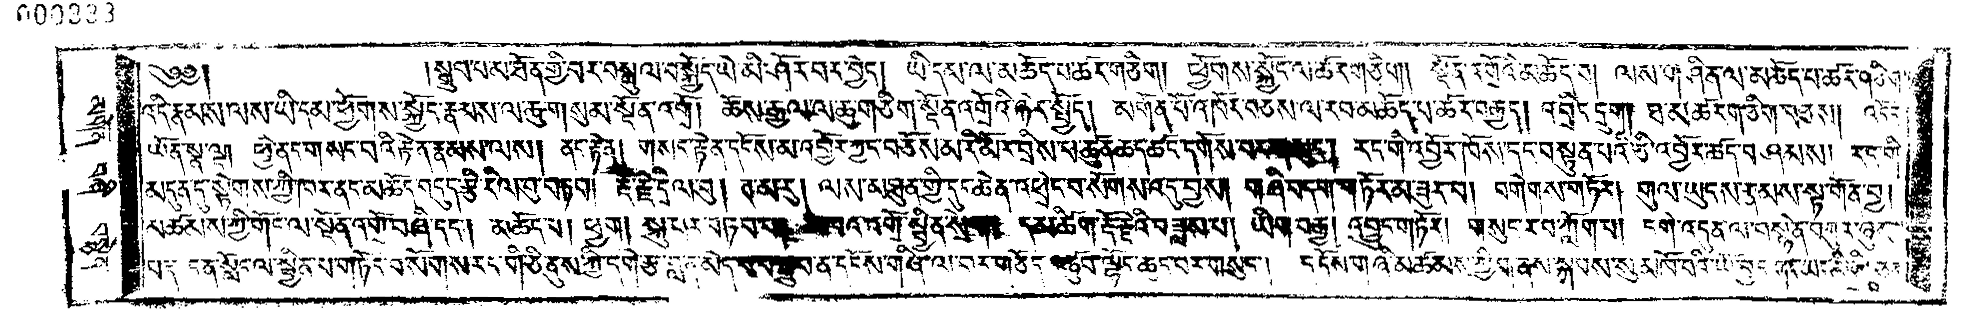༄༅། །སྒྲུབ་པ་མ་ཐོན་གྱི་བར་བསྒུལ་བསྐྱོད་ཡེ་མི་ཤོར་བར་བྱེད། ཡི་དམ་ལ་མཆོད་པ་ཚར་གཅིག །ཕྱོགས་སྐྱོང་ལ་ཚར་གཅིག །སྔོན་འགྲོའི་མཆོད་པ། ལས་གཤིན་ལ་མཆོད་པ་ཚར་གཅིག་
འདི་རྣམས་ལས་ཡི་དམ་ཕྱོགས་སྐྱོང་རྣམས་ལ་ཆུ་གསུམ་སྔོན་འགྲོ། ཆོས་རྒྱལ་ལ་ཆུ་གཅིག་སྔོན་འགྲོའི་ཉེར་སྤྱོད། མགོན་པོ་འཁོར་བཅས་ལ་རབ་མཆོད་པ་ཚར་བརྒྱད། འབྲིང་དྲུག །ཐ་མཚར་གཅིག་བཅས། འདོད་
ཡོན་སྣ་ལྔ། ཕྱི་ནང་གསང་བའི་རྟེན་རྣམས་ལས། ནང་རྟེན། གསང་རྟེན་དངོས་མ་འབྱོར་ཀྱང་བཅོས་མ་རི་མོར་བྲིས་པ་ཚུན་ཆད་ཚང་དགོས་པར་གསུང་། རང་གི་འབྱོར་ཁོས་དང་བསྟུན་པའི་ཅི་འབྱོར་ཚད་བཤམས། རང་གི་
མདུན་དུ་སྟེགས་ཀྱི་ཁར་ནང་མཆོད་བདུད་རྩི་རིལ་བུ་བཏབ། རྡོ་རྗེ་དྲིལ་བུ། ཊ་མ་རུ། ལས་མཐུན་གྱི་དུང་ཆེན་འཕྲེང་བ་སོགས་འདུ་བྱས། གཞི་བདག་གཏོར་མ་ཟུར་བ། བགེགས་གཏོར། གུལ་ཡུངས་རྣམས་སྟ་གོན་བྱ།
མཚམས་ཀྱི་གོང་ལ་སྔོན་འགྲོ་བཞི་དང་། མཆོད་པ། ཕྱག། སྐུ་པར་བཏབ་པ། མཁའ་འགྲོ་སྦྱིན་སྲེག །དམ་ཚིག་རྡོ་རྗེའི་བཟླས་པ། ཡིག་བརྒྱ། འབྱུང་གཏོར། གསུང་རབ་ཀློག་པ། དགེ་འདུན་ལ་བསྙེན་བཀུར་ཞུས་
པ། ངན་སློང་ལ་སྦྱིན་པ་གཏོང་བ་སོགས་རང་གི་ཅི་ནུས་ཀྱི་དགེ་རྩ་བླ་ན་མེད་པ་བསྒྲུབ་ན་དངོས་གཞི་ལ་བར་གཅོད་འཚུབ་ལྷོང་ཆུང་བར་གསུང་། དངོས་གཞི་མཚམས་ཀྱི་གནས་སྐབས་སུ་མཁོ་བའི་ཡོ་བྱད་གང་ཡང་མི་གྲི་བ་ཅན་